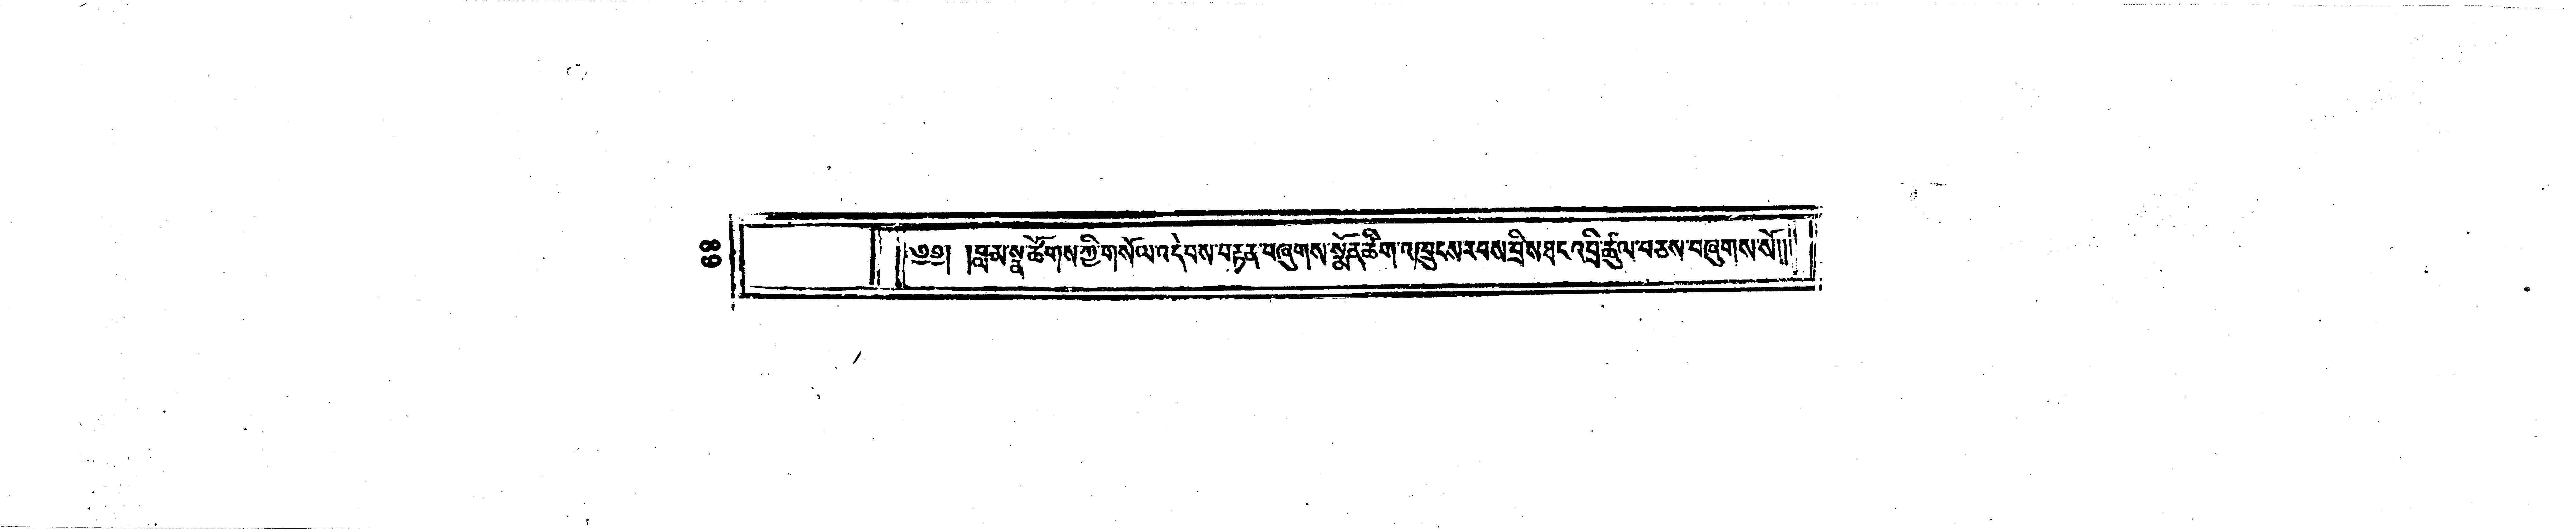༄༅། །བླ་མ་སྣ་ཚོགས་ཀྱི་གསོལ་འདེབས་བརྟན་བཞུགས་སྨོན་ཚིག་འཁྲུངས་རབས་བྲིས་ཐང་འབྲི་ཚུལ་བཅས་བཞུགས་སོ།།